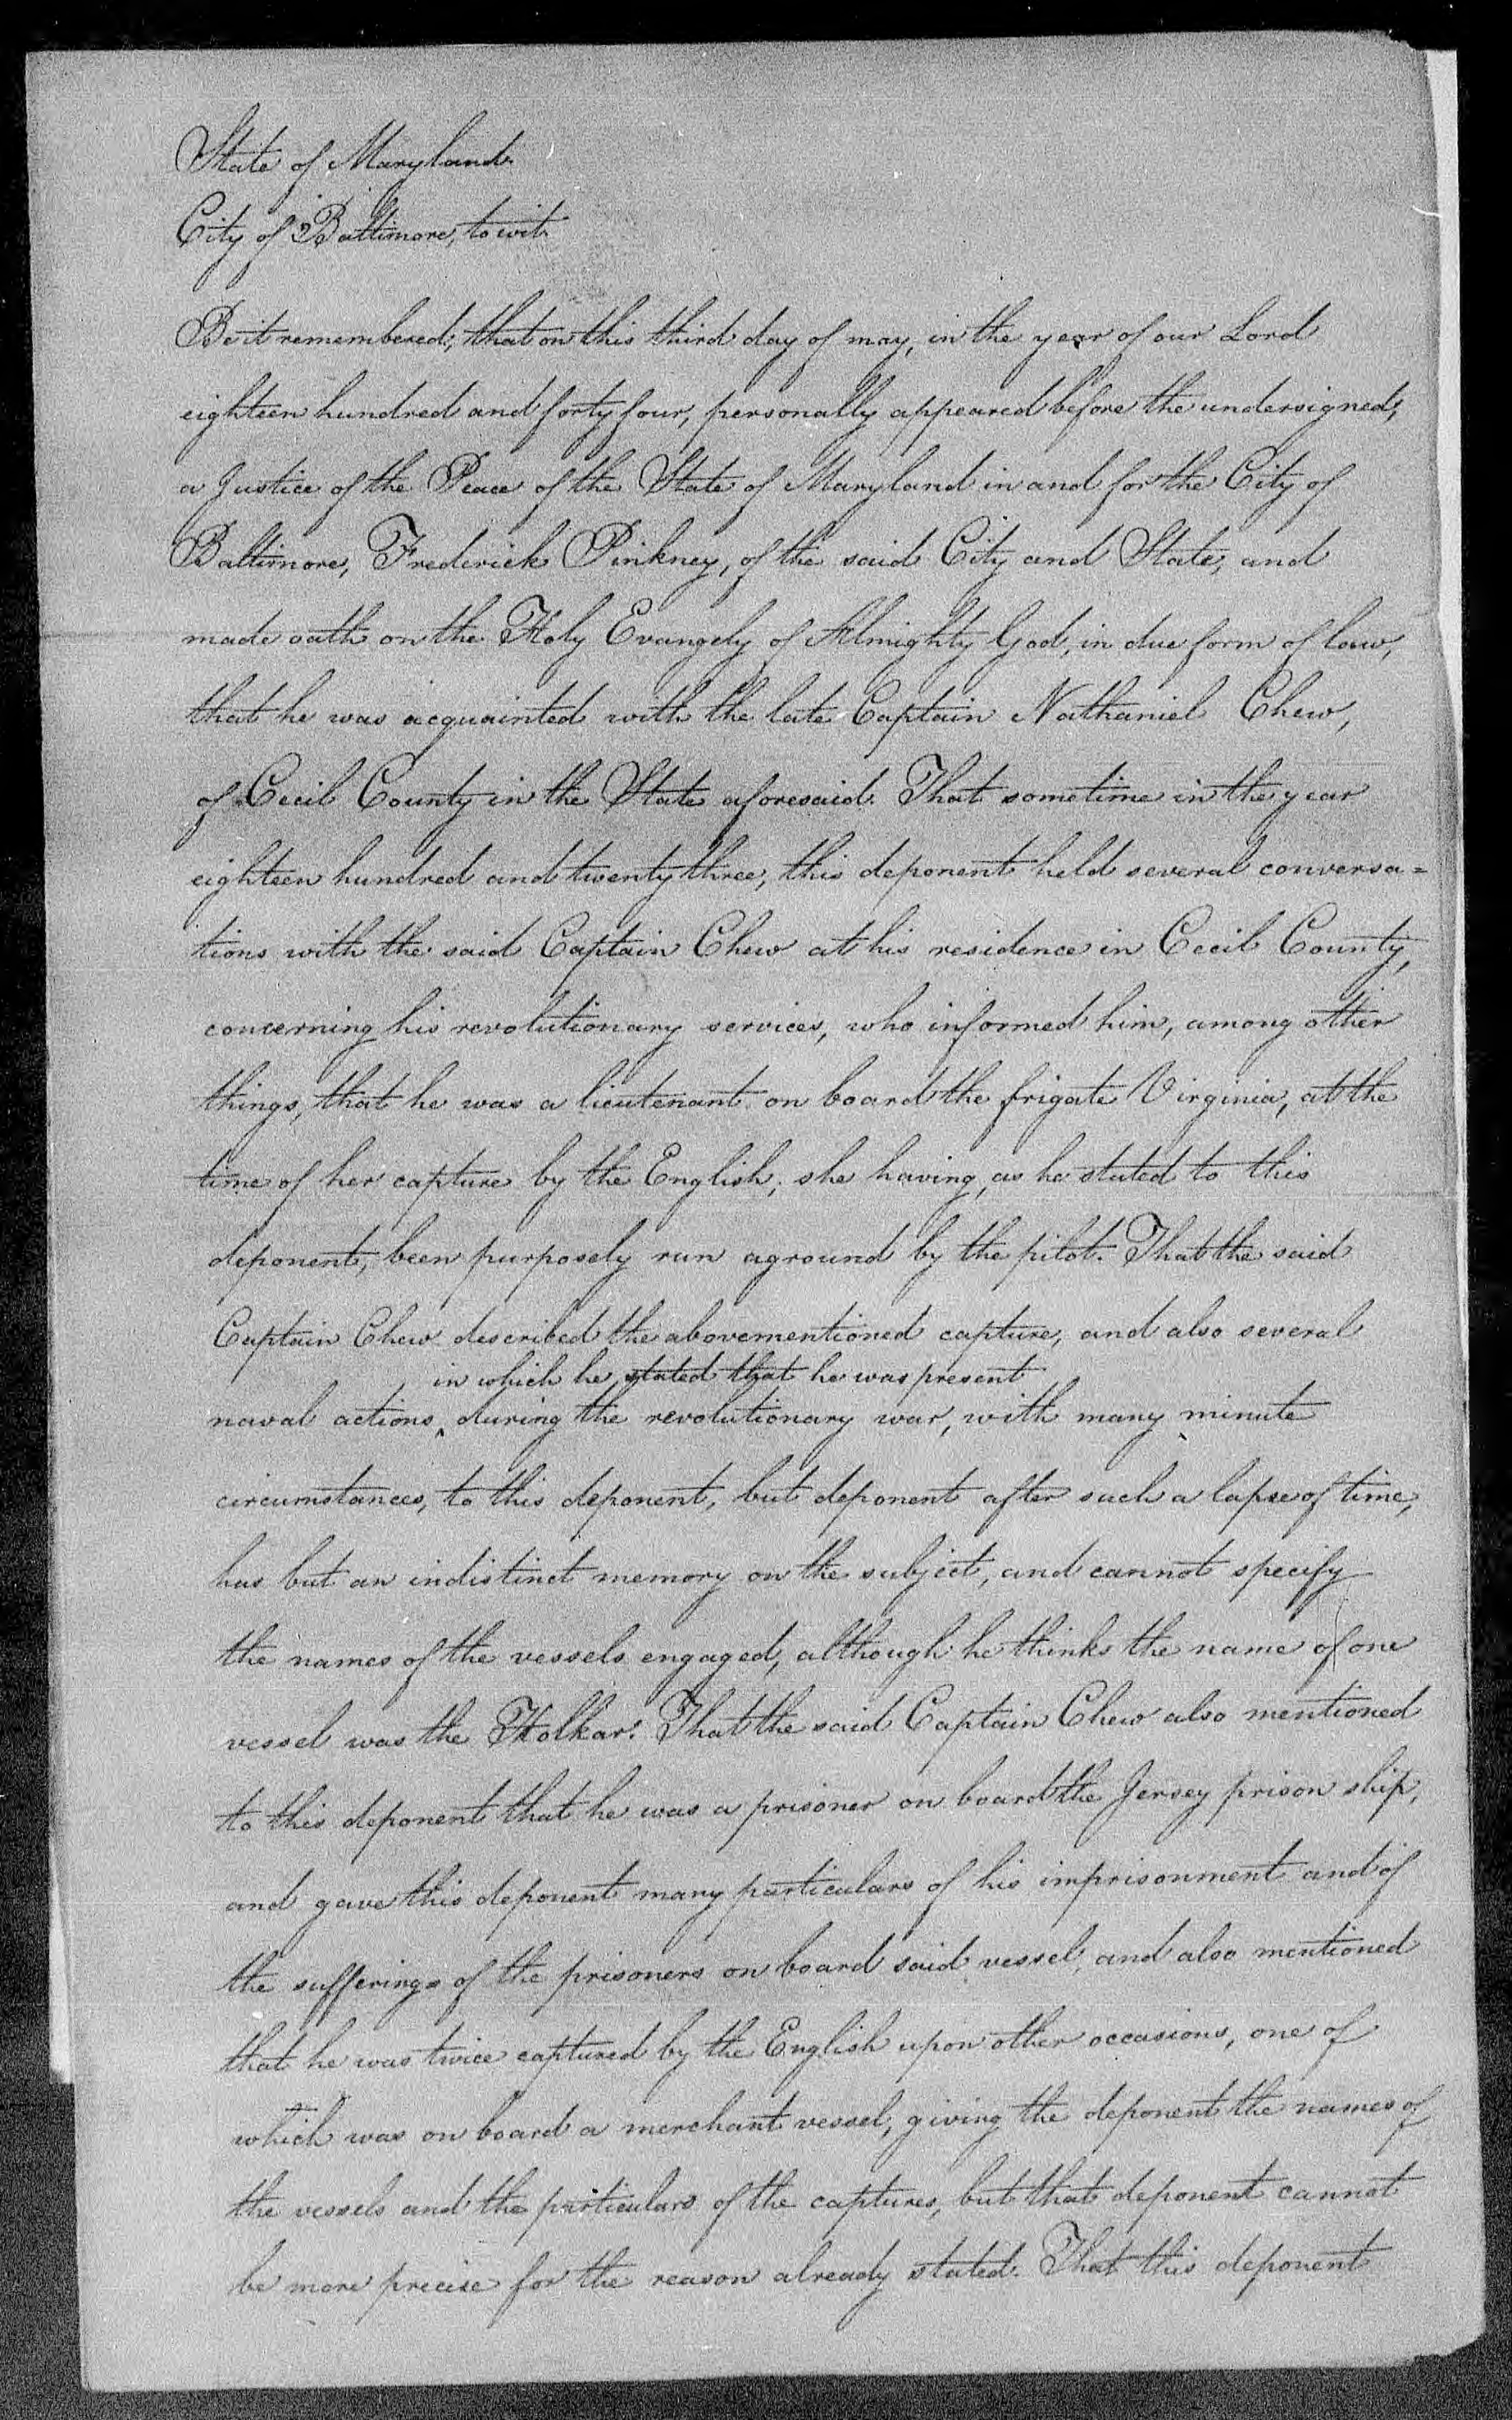State of Maryland
City of Baltimore, to wit

Be it remembered, that on this third day of may, in the year of our Lord
eighteen hundred and forty four, personally appeared before the undersigned,
a Justice of the Peace of the State of Maryland in and for the City of
Baltimore, Frederick Pinkney, of the said City and State, and
made oath on the Holy Evangely of Almighty God, in due form of law,
that he was acquainted with the late Captain Nathaniel Chew,
of Cecil County in the State aforesaid.  That sometime in the year
eighteen hundred and twenty three, this deponent held several conversa-
tons with the said Captain Chew at his residence in Cecil County,
concerning his revolutionary services, who informed him, among other
things, that he was a lieutenant on board the frigate Virginia, at the
time of her capture by the English, she having, as he stated to this
deponent, been purposely run aground by the pilot.  That the said
Captain Chew described the abovementioned captain, and also several
naval actions in which he stated that he was present during the revolutionary war, with many minute
circumstances, to this deponent, but deponent after such a lapse of time,
has but an indistinct memory on the subject, and cannot specify
the names of the vessels engaged although he thinks the name of one
vessel was the Folkar.  That the said Captain Chew also mentioned
to this deponent that he was a prisoner on board the Jersey prison ship,
and gave this deponent many particulars of his imprisonment and of
the sufferings of the prisoners on board said vessel and also mentioned
that he was twice captured by the English upon other occasions, one of
which was on board a merchant vessel, giving the deponent the names of
the vessels and the particulars of the captures, but that deponent cannot
be more precise for the reason already stated.  That this deponent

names: Chew, Chew, Nathaniel Chew, Chew, Frederick Pinkney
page: 57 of 59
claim: widow's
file: W. 9383, Nathaniel Chew, Navy (Md.)